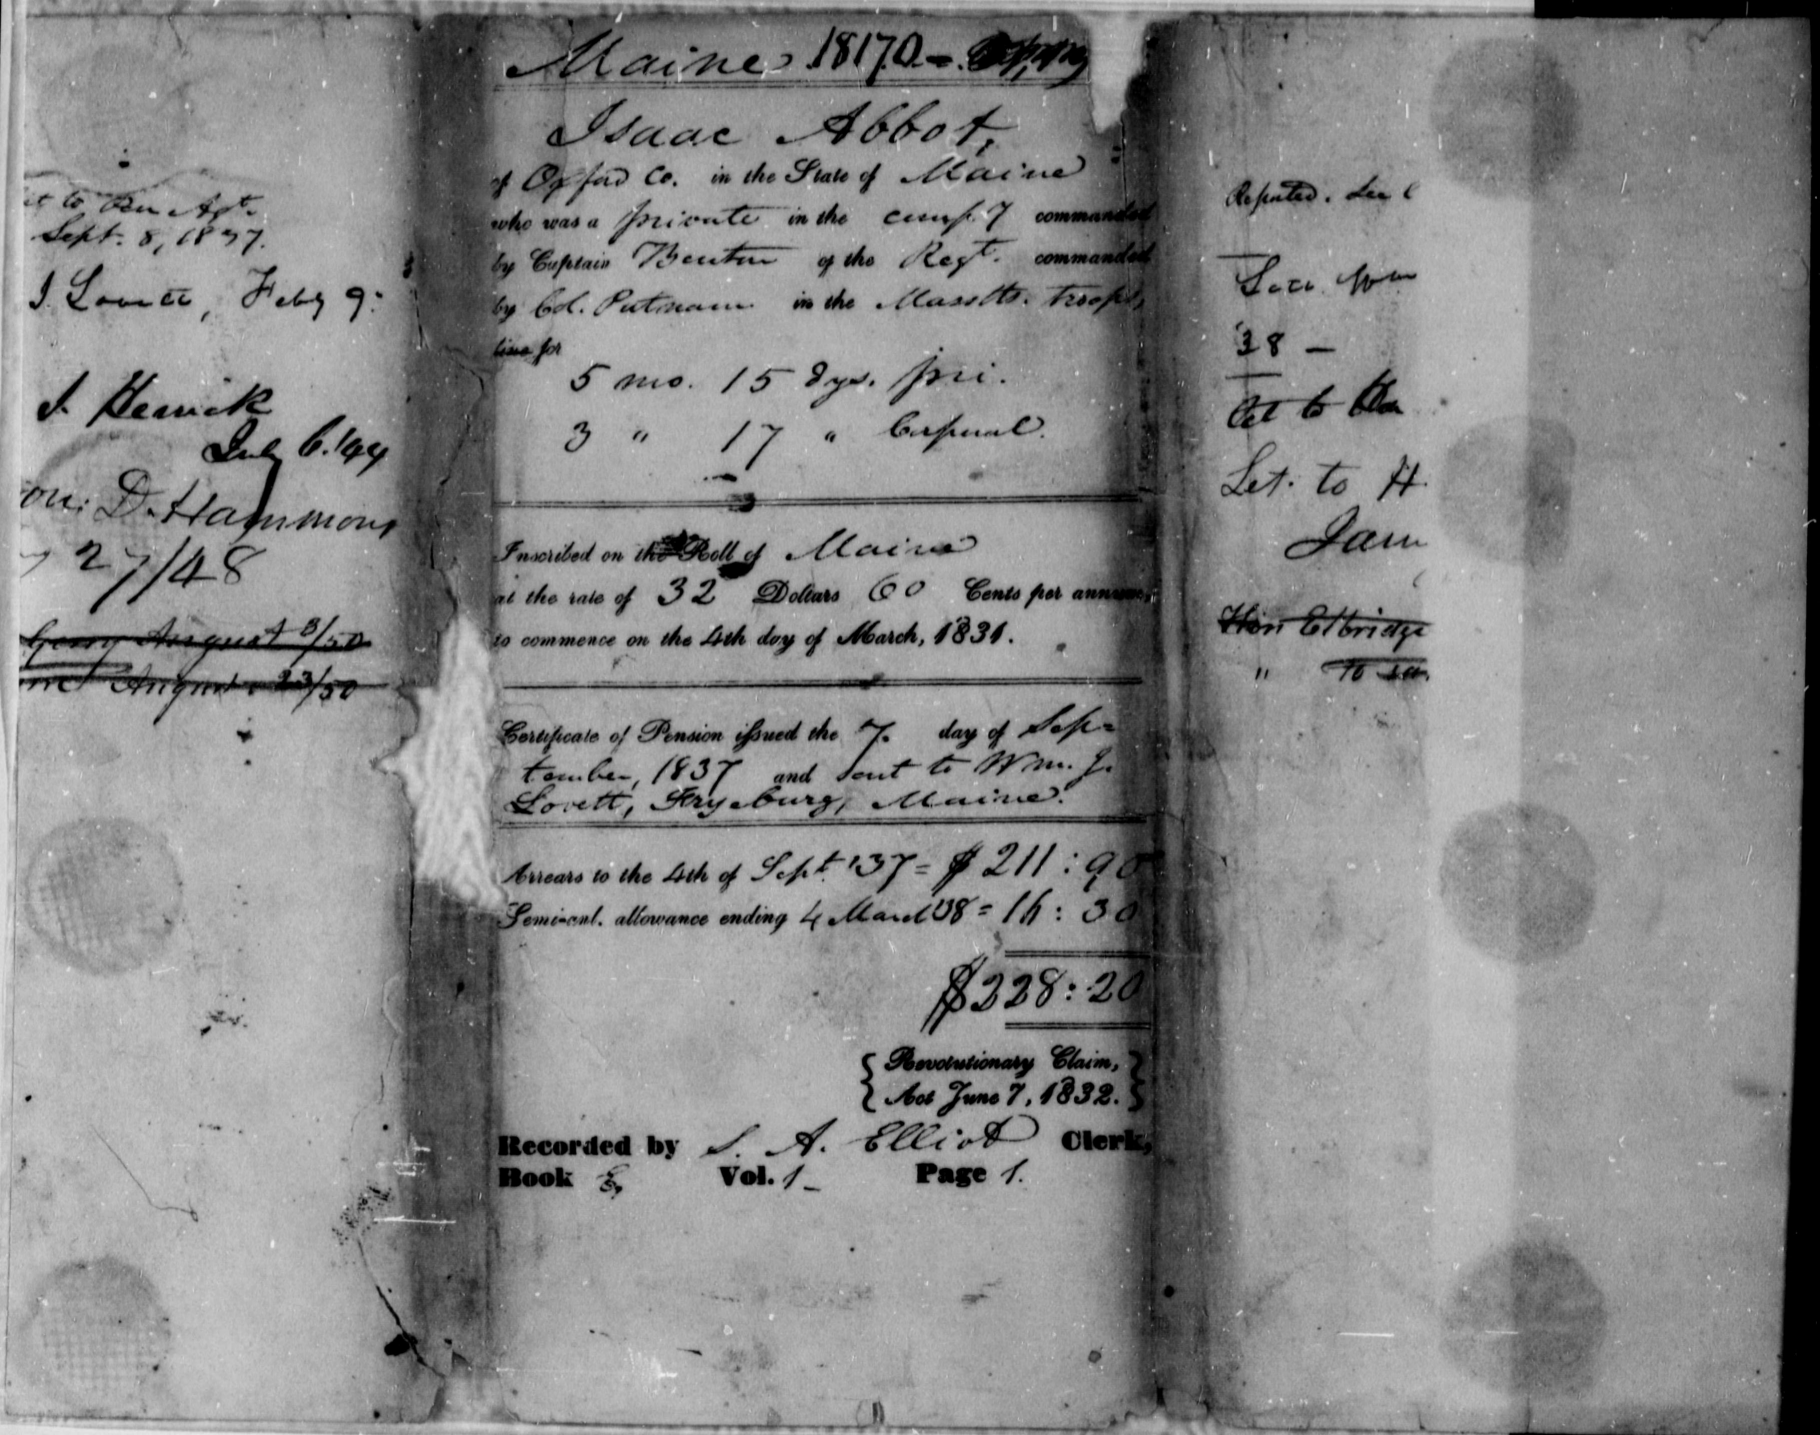Maine 18170.
====================
Isaac Abbot,
of Oxford Co. in the State of Maine
who was a private in the Comp'y commanded
by Captain Benton of the Regt. commanded
by Col. Putnam in the Mass'tts. Troop
line for 
5 mos., 15 days, priv.
3 mos., 17 days, corporal
====================
Inscribed on the Roll of Maine
at the rate of 32 Dollars 60 Cents per annum,
to commence on the 4th day of March 1831.
====================
Certificate of Pension issued the 7th day of Sep-
tember, 1837 and out to Wm. J.
Lovett, Fryeburg, Maine.
====================
Arrears to the 4th of Sept. '37
Semi-anl. allowance ending 4 March '38
$211.90
+$16.30
=====
$228.20
=====
{Revolutionary Claim,}
{Act June 7, 1832}

Recorded by [SIGNED: S. A. Elliot] Clerk,
Book E. Vol. 1 Page 1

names: Isaac Abbot, S A Elliot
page: 24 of 86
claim: survivor's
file: S 29,568, Isaac Abbot, Mass